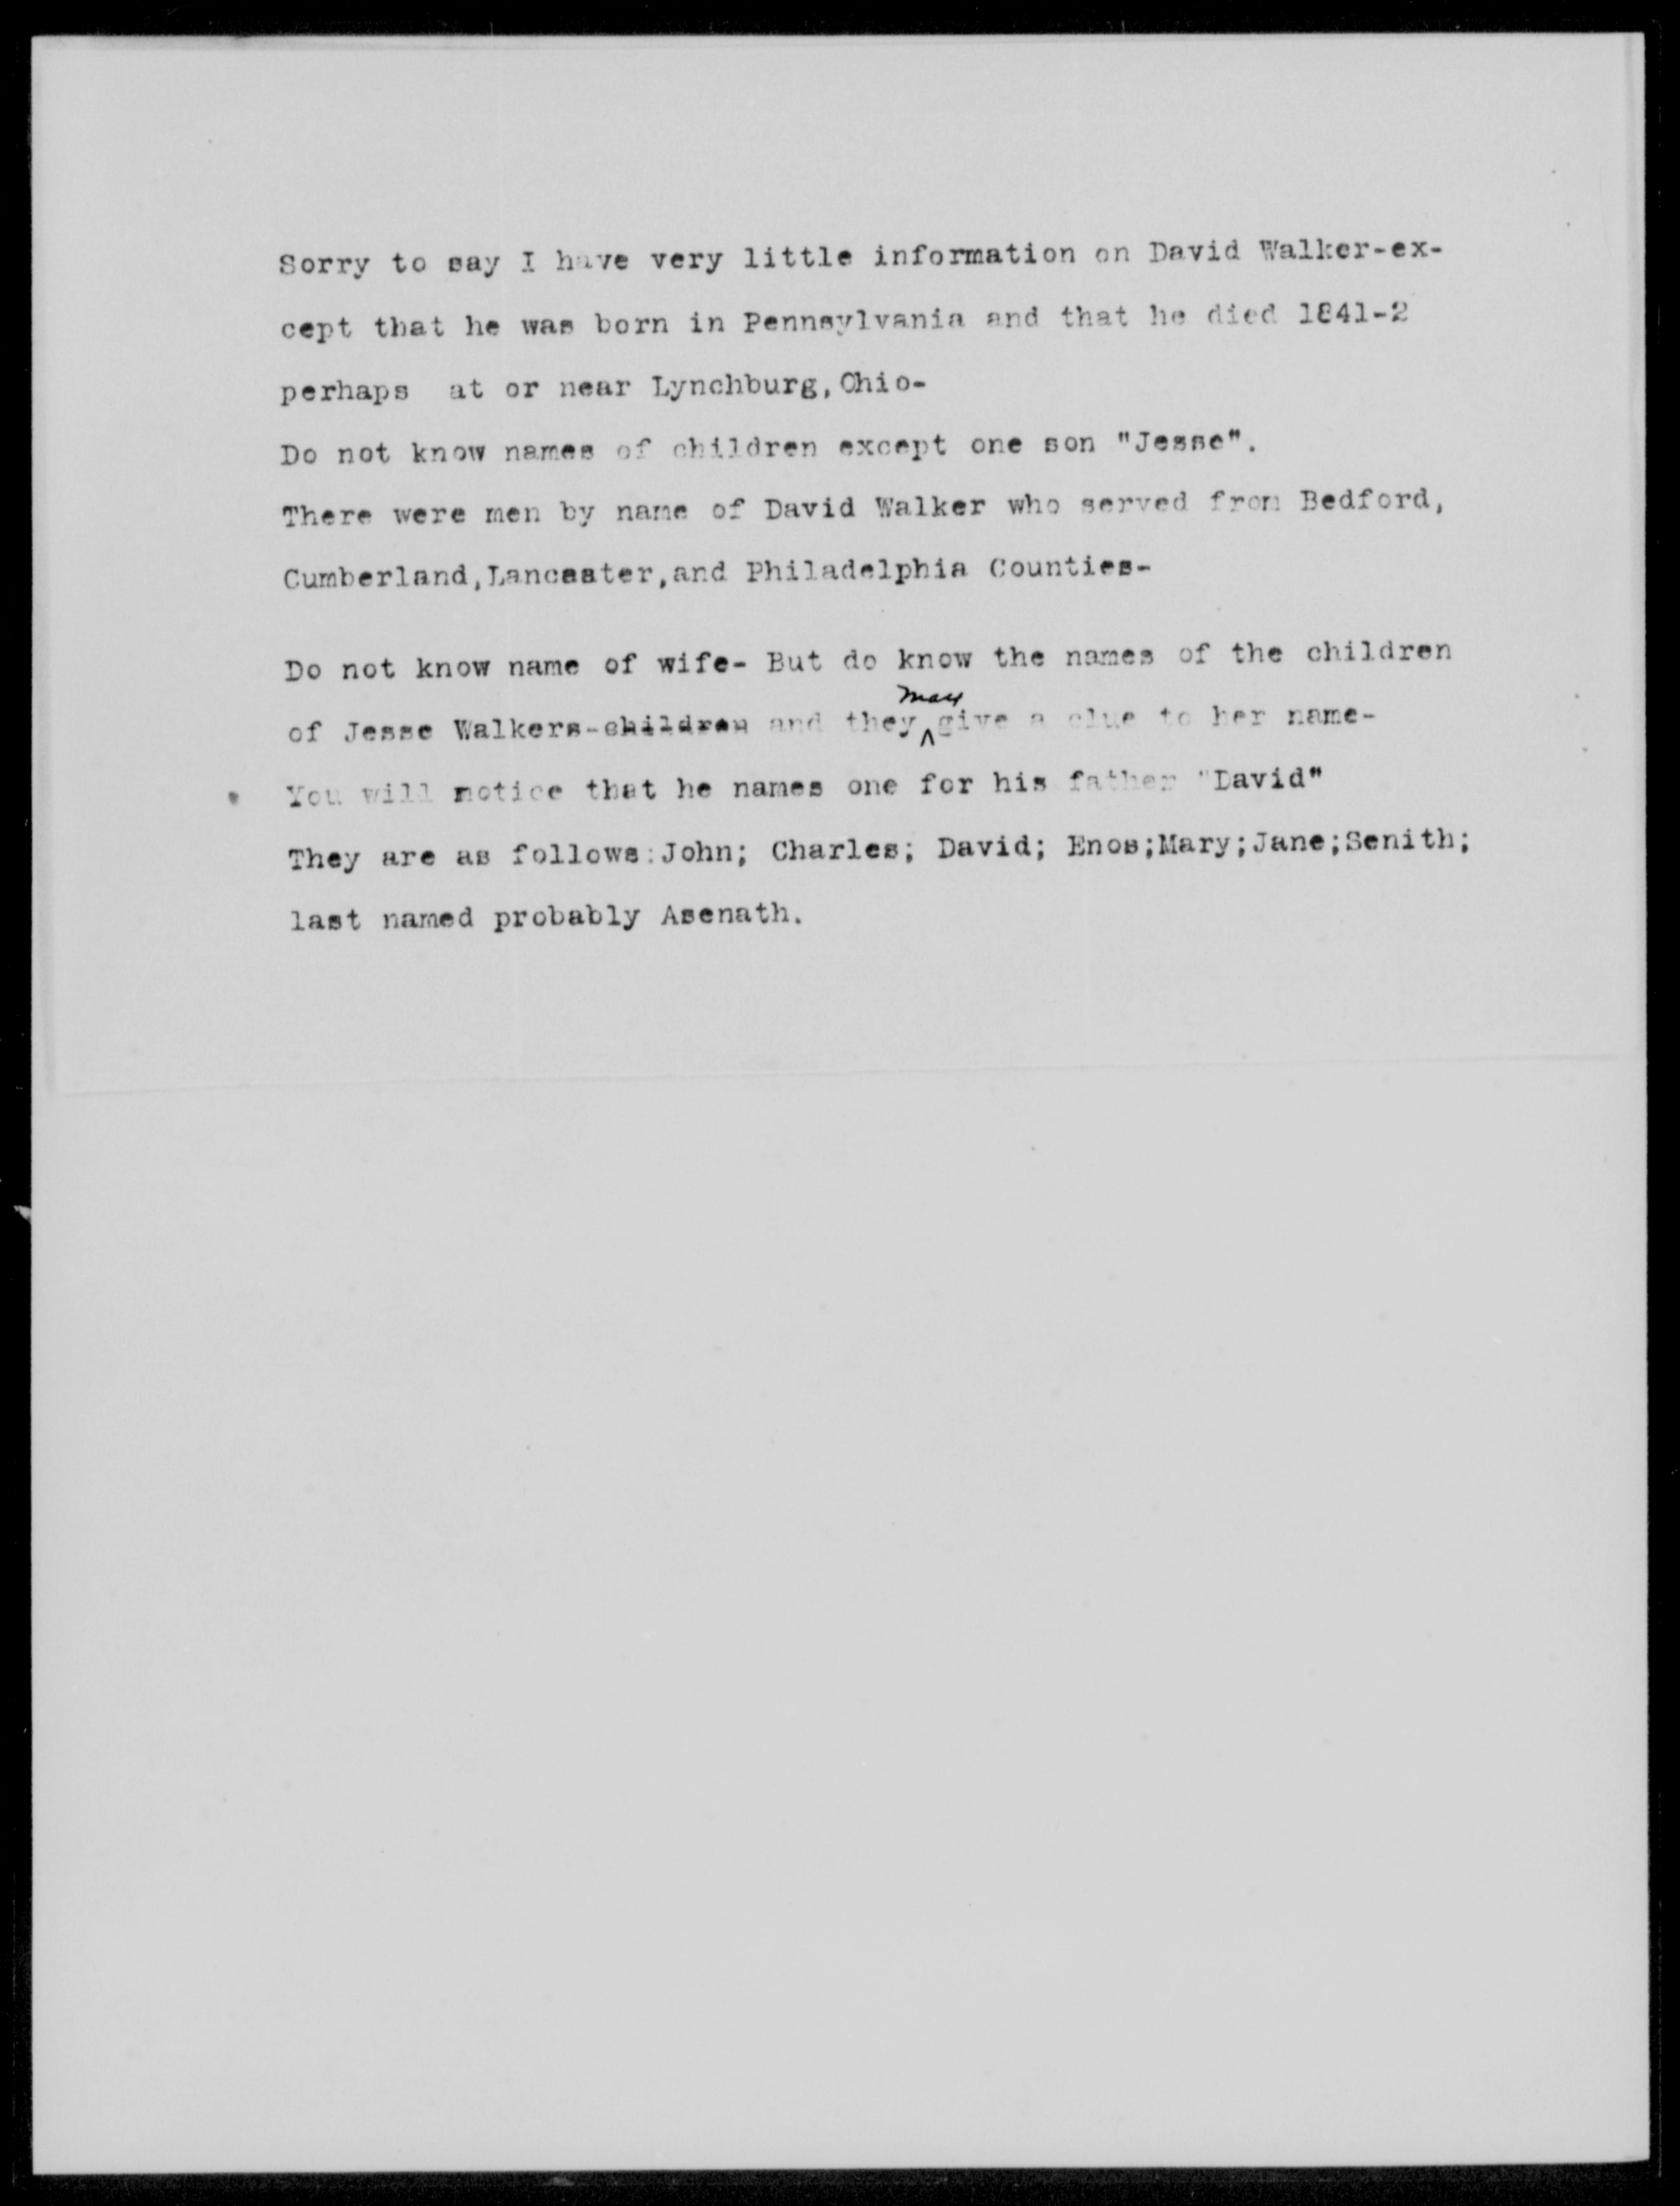Sorry to say I have very little information on David Walker except that he was born in Pennsylvania and that he died 1841-2 perhaps at or near Lynchburg, Ohio
Do not know names of children except one son “Jesse.” 
There were men by name of David Walker who served from Bedford, Cumberland, Lancaster, and Philadelphia Counties-
Do not know name of wife but do know the names of the children of Jesse Walkers-children and they made give a clue to her name-
You will notice that he names one for his father “David” 
They are as follows: John Charles; David; Enos; Mary; Jane Senith; last named probably Asenath.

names: Enos, Jesse, Jesse Walker, Senith, Mary, David, David Walker, David, Jane, David Walker, Asenath, John, Charles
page: 36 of 37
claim: rejected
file: R. 11047, David Walker, N.C.